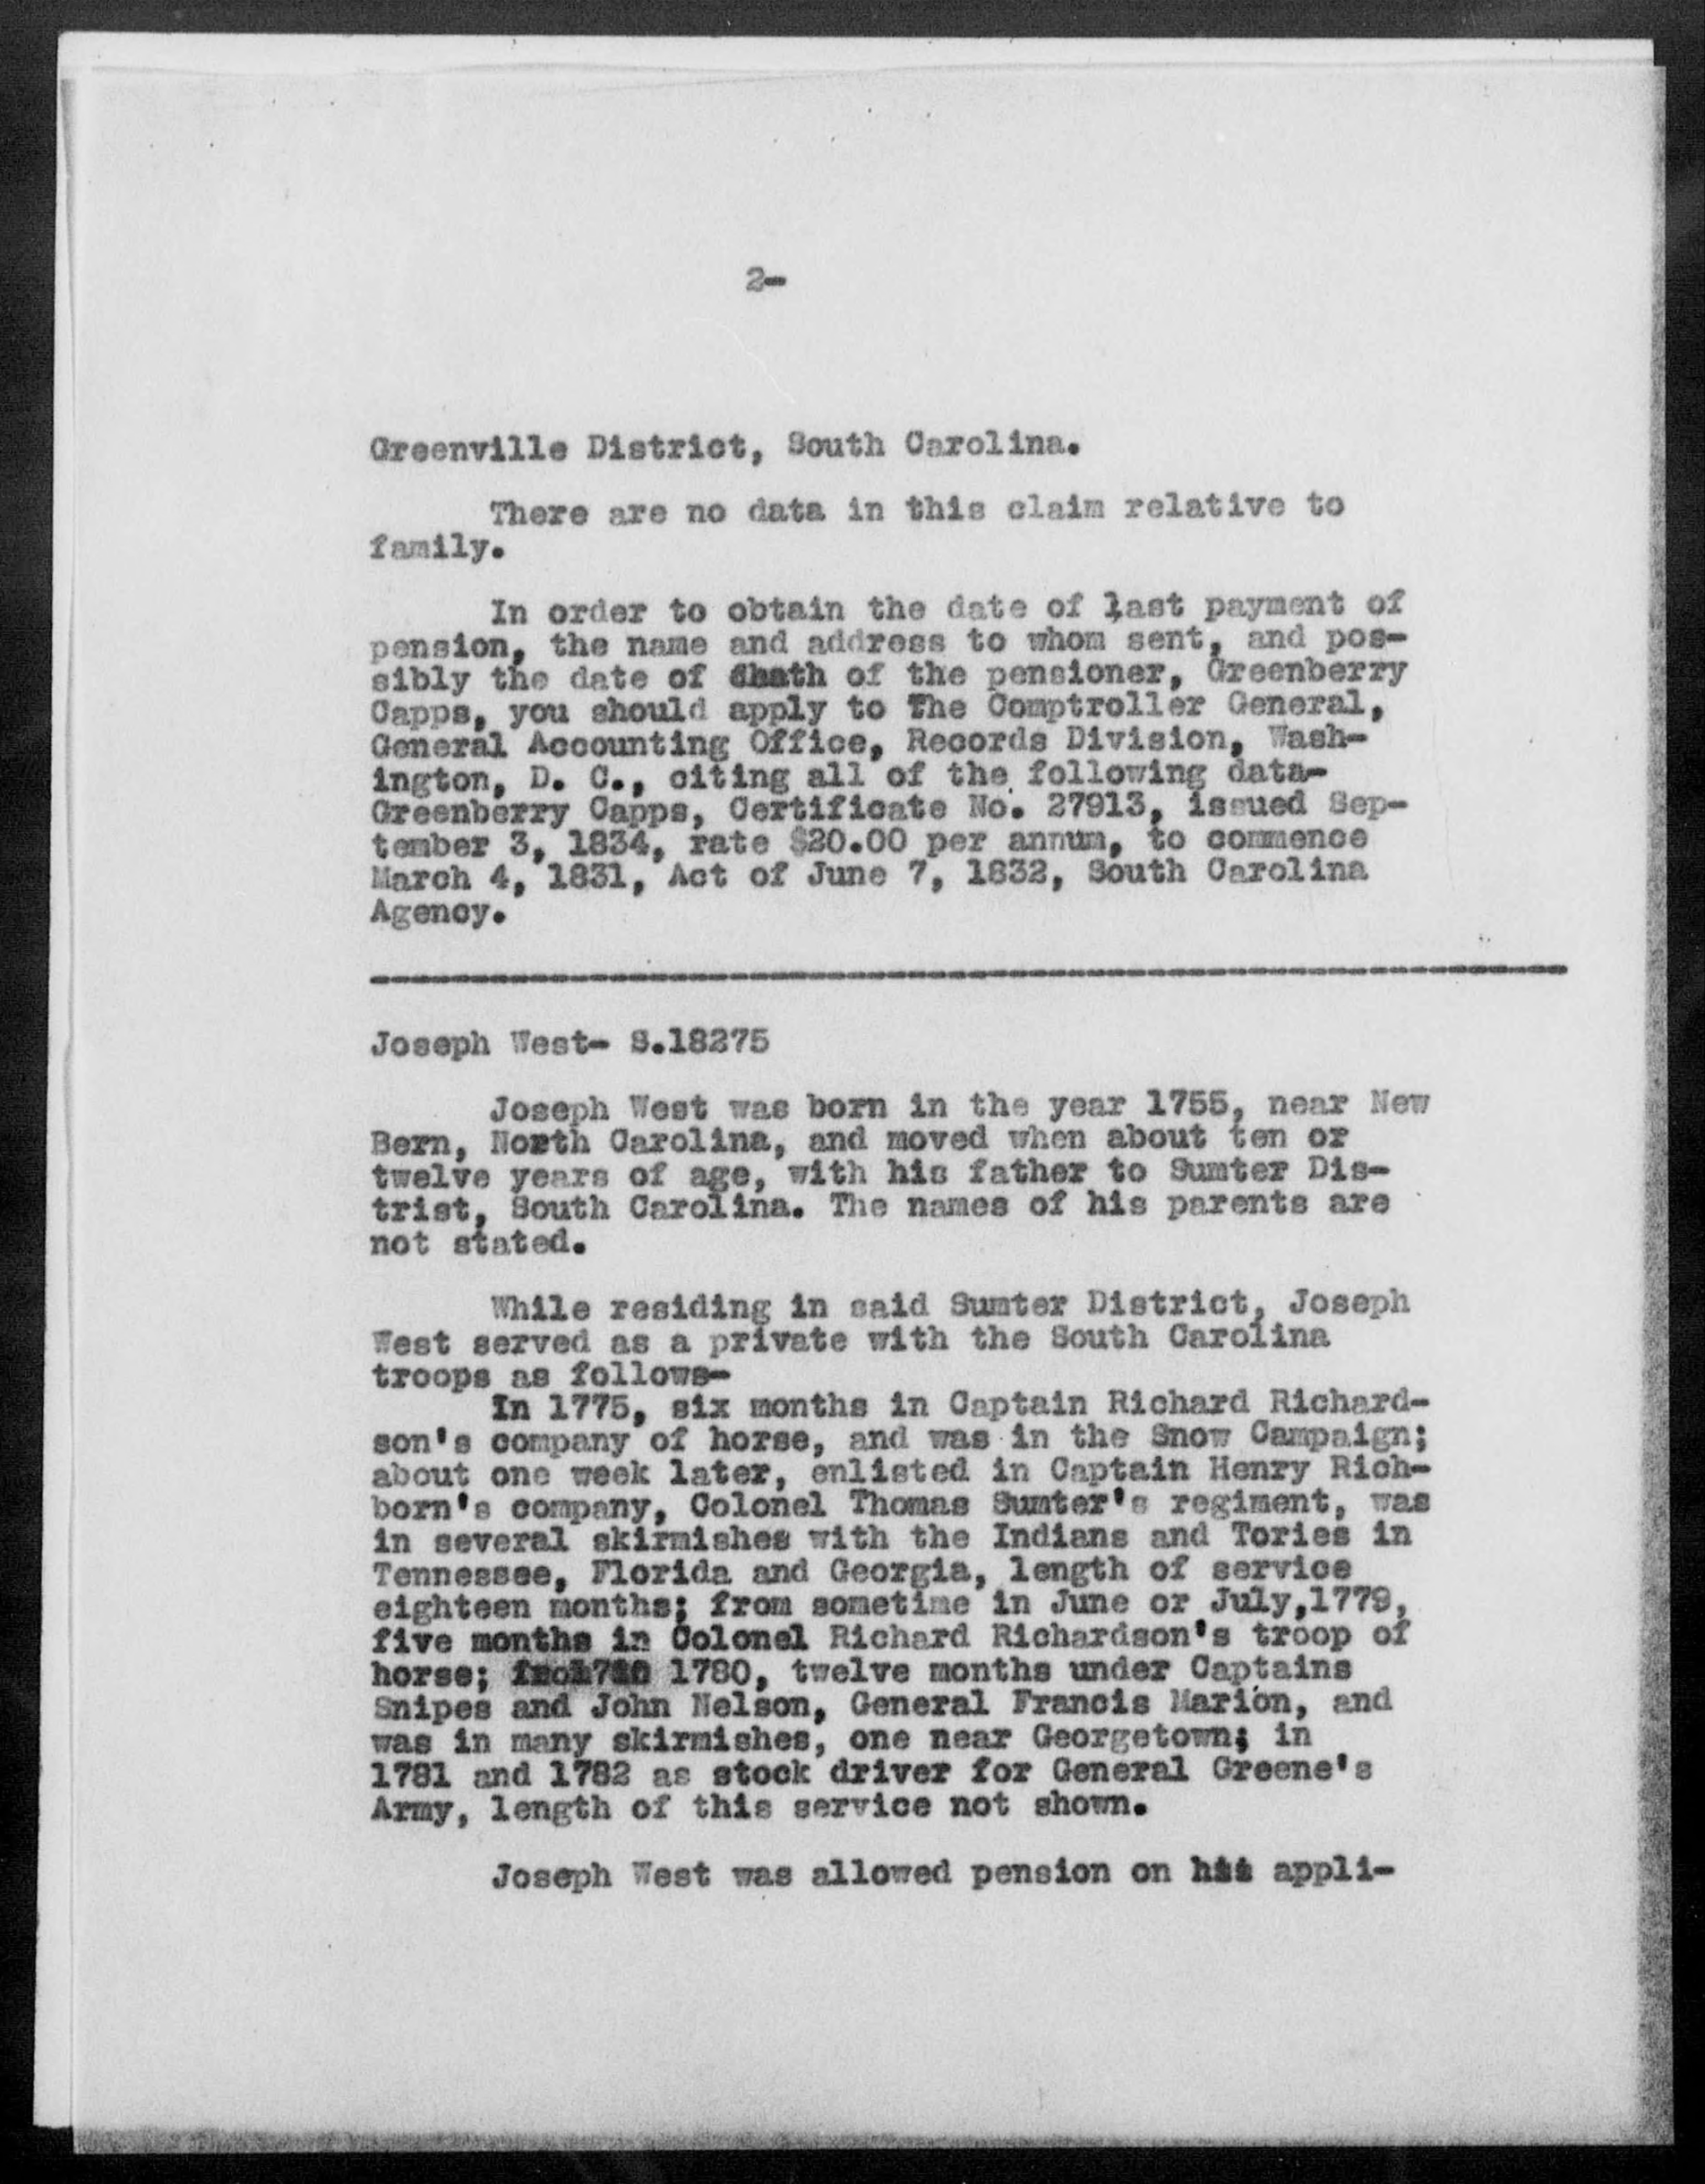2-

Greenville District, South Carolina.
There are no data in this claim relative to
family.
In order to obtain the date of last payment of
pension, the name and address to whom sent, and possibly
the date of death of the pensioner, Greenberry
Capps [Greenbery Caps], you should apply to The Comptroller General,
General Accounting Office, Records Division, Washington, D. C., citing all of the following data
Greenberry Capps [Greenbery Caps], Certificate No. 27913, issued September
3, 1834, rate $20.00 per annum, to commence
March 4, 1831, Act of June 7, 1832, South Carolina
Agency.
--------------------------------------------------
Joseph West-S.18275

Joseph West was born in the year 1755, near New
Bern, North Carolina, and moved when about ten or
twelve years of age, with his father to Sumter District, South Carolina. The names of his parents are
not stated.
While residing in said Sumter District, Joseph
West served as a private with the South Carolina
troops as follows-
In 1775, six months in Captain Richard Richardson's company of horse, and was in the Snow Campaign; about one week later, enlisted in Captain Henry Richborn's company, Colonel Thomas Sumter's regiment, was in several skirmishes with the Indians and Tories in
Tennessee, Florida and Georgia, length of service
eighteen months; from sometime in June or July, 1779,
five months in Colonel Richard Richardson's troop of
horse; [illegible] 1780, twelve months under Captains
Snipes and John Nelson, General Francis Marion, and
was in many skirmishes, one near Georgetown; in
1781 and 1782 as stock driver for General Greene's
Army, length of this service not shown.
Joseph West was allowed pension on his appli-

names: Joseph West, Greenberry Capps, Joseph West, Francis Marion, Snipes, Joseph West, Greene, Joseph West, Greenberry Capps, John Nelson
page: 25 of 26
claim: survivor's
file: S. 21105, Greenbery Caps, S.C.